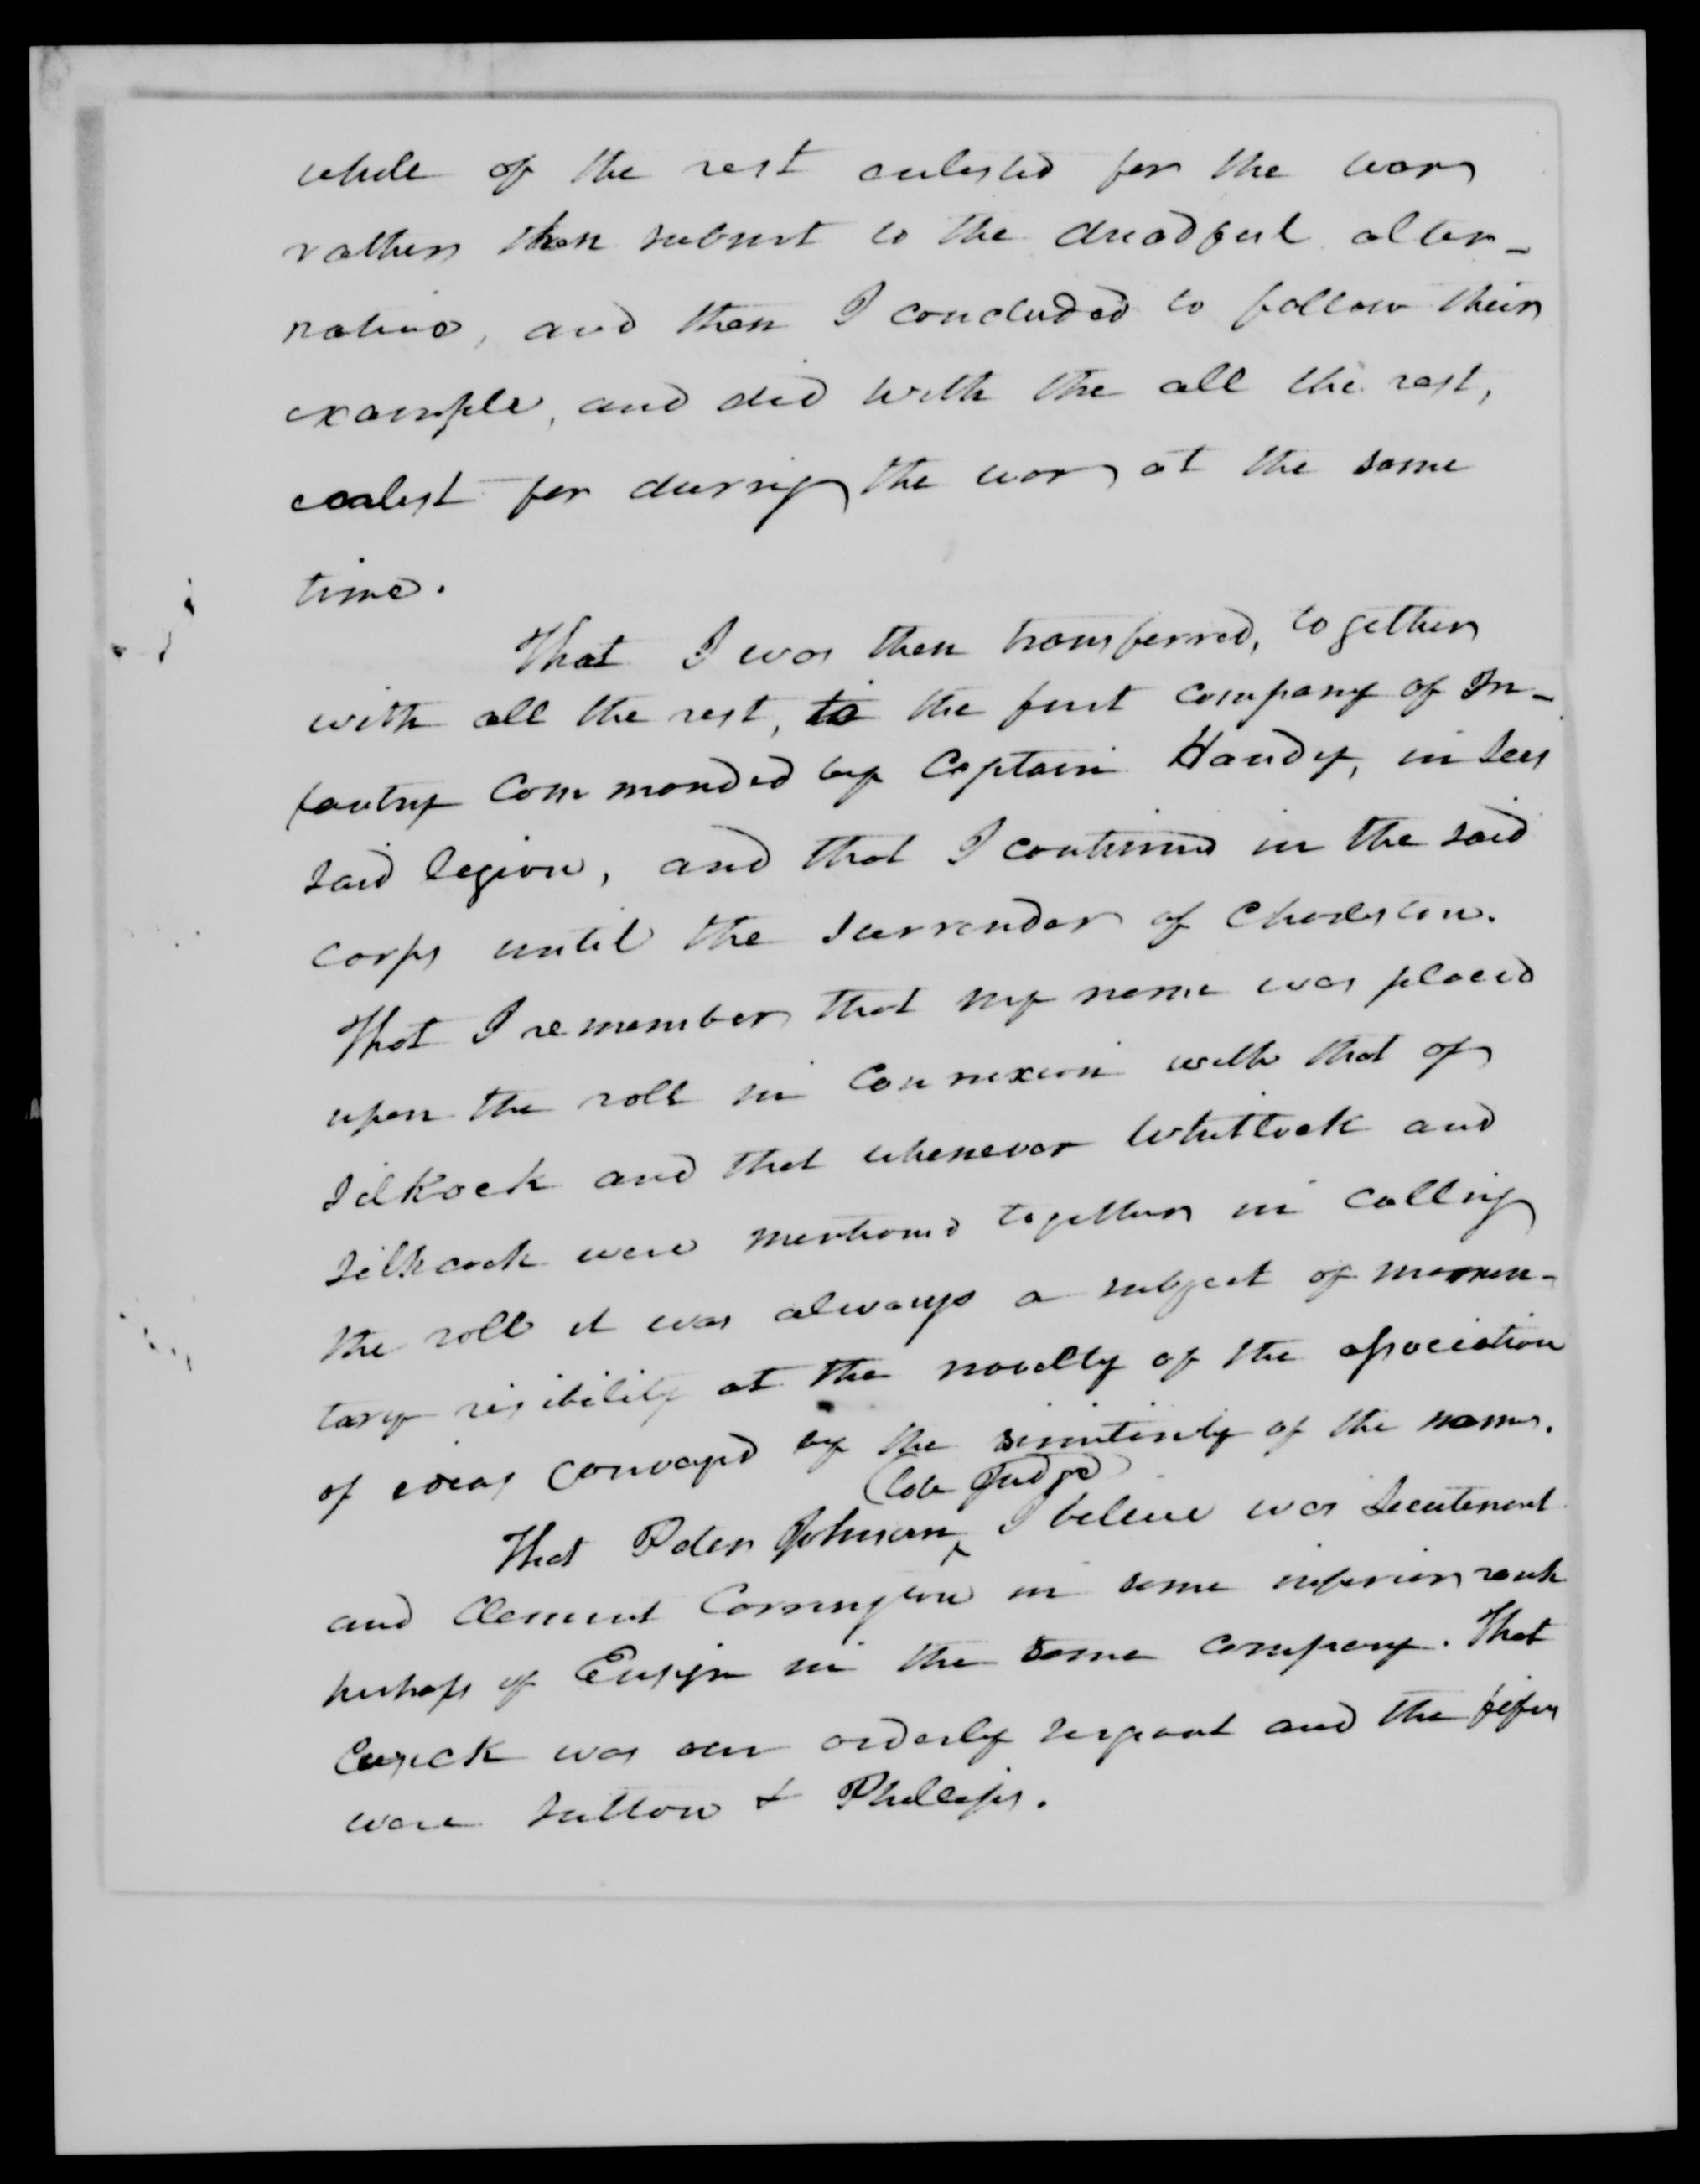whole of the rest enlisted for the war rather than submit to the dreadful alternative, and then I concluded to follow their example, and did with the all the rest, enlist for during the war at the same time. 

That I was then transferred, together with all the rest, to the first company of Infantry commanded by Captain Handy, in Lee’s said legion, and that I continued in the said corps until the surrender of Charleston. That I remember that my name was placed upon the roll in connection with that of Silkcock and that whenever Whitlock and Silkcock were mentioned together in calling the roll it was always a subject of mandatory responsibility at the novelty of the association of every conveyed by the or intensity of the name 

That Peter Johnan I believe was Lieutenant and Clement Corington, a cadet wounded in the battle of Eutaw, in the same company. That Curick was our orderly report, and the fifers were Sutton & Phillips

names: Poter Johnan, Whitlock, Handy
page: 5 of 32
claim: survivor's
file: S. 16020, Thomas Whitlock, Va.